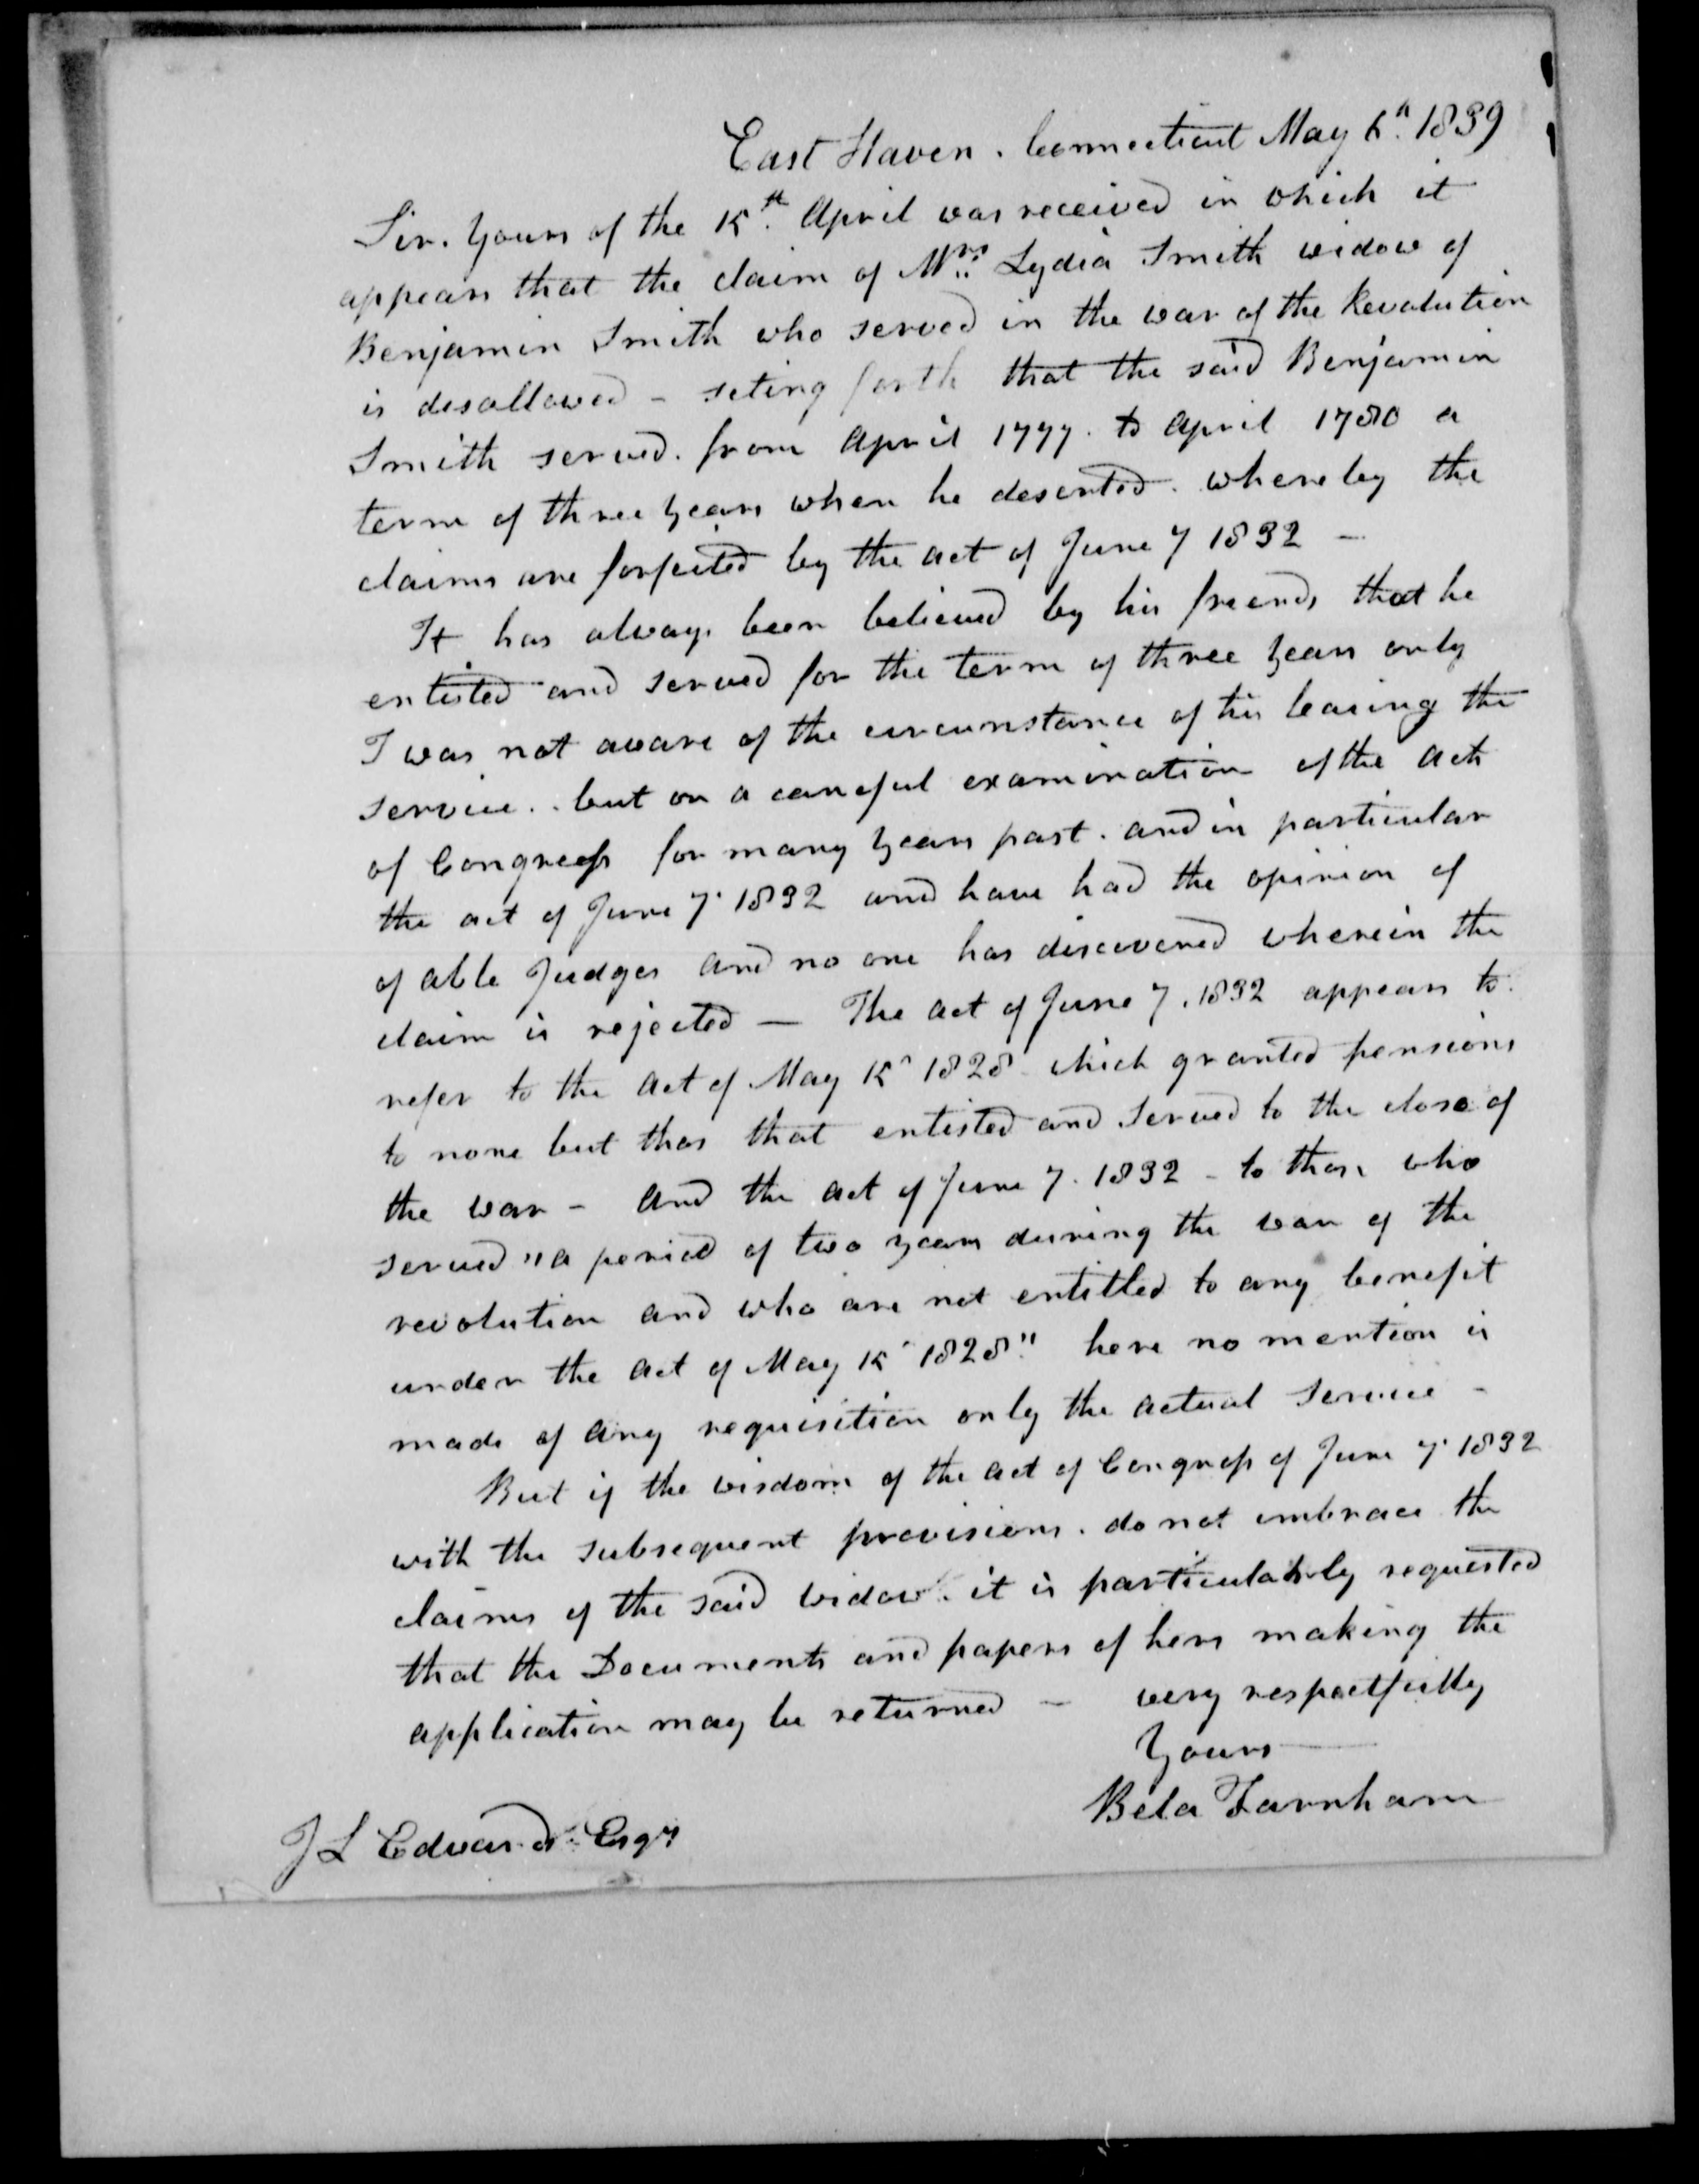East Haven Connecticut May 6 1839
Sir, Yours of the 15th April was received in which it appears that the claim of Mrs. Lydia Smith widow of Benjamin Smith who served in the War of the Revolution is disallowed - setting forth that the said Benjamin Smith served from April 1777 to April 1780 a term of three years when he deserted whereby the claims are forfeited by the act of June 7 1832.
It has always been believed by his friends that he enlisted and served for the term of three years only. I was not aware of the circumstance of his leaving the service....but on a careful examination of the acts of Congress for many years past, and in particular the act of June 7, 1832, and have had the opinion of able judges and no one has discovered wherein the claim is rejected. The act of June 7, 1832 appears to refer to the act of May 18, 1823 which granted pensions to none but those that enlisted and served to the close of the war. And the act off June 7, 1832 to those who served in a period of two years during the war of the revolution and who are not entitled to any benefit under the act of May 15 1825. Here no mention is made by any requisition only the actual service.
But if the wisdom of the act of Congress of June 7 1832 with the subsequent provisions do not embrace the claims of the said widow, it is particularly requested that the documents and papers of him making the application may be returned.
Very respectfully
yours
Bela Farnham

J. L. Edwards Esq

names: J L Edwards; Benjamin Smith; Bela Farnham; Benjamin Smith; Lydia Smith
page: 16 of 19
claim: rejected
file: R 9792, for Benjamin Smith, Connecticut